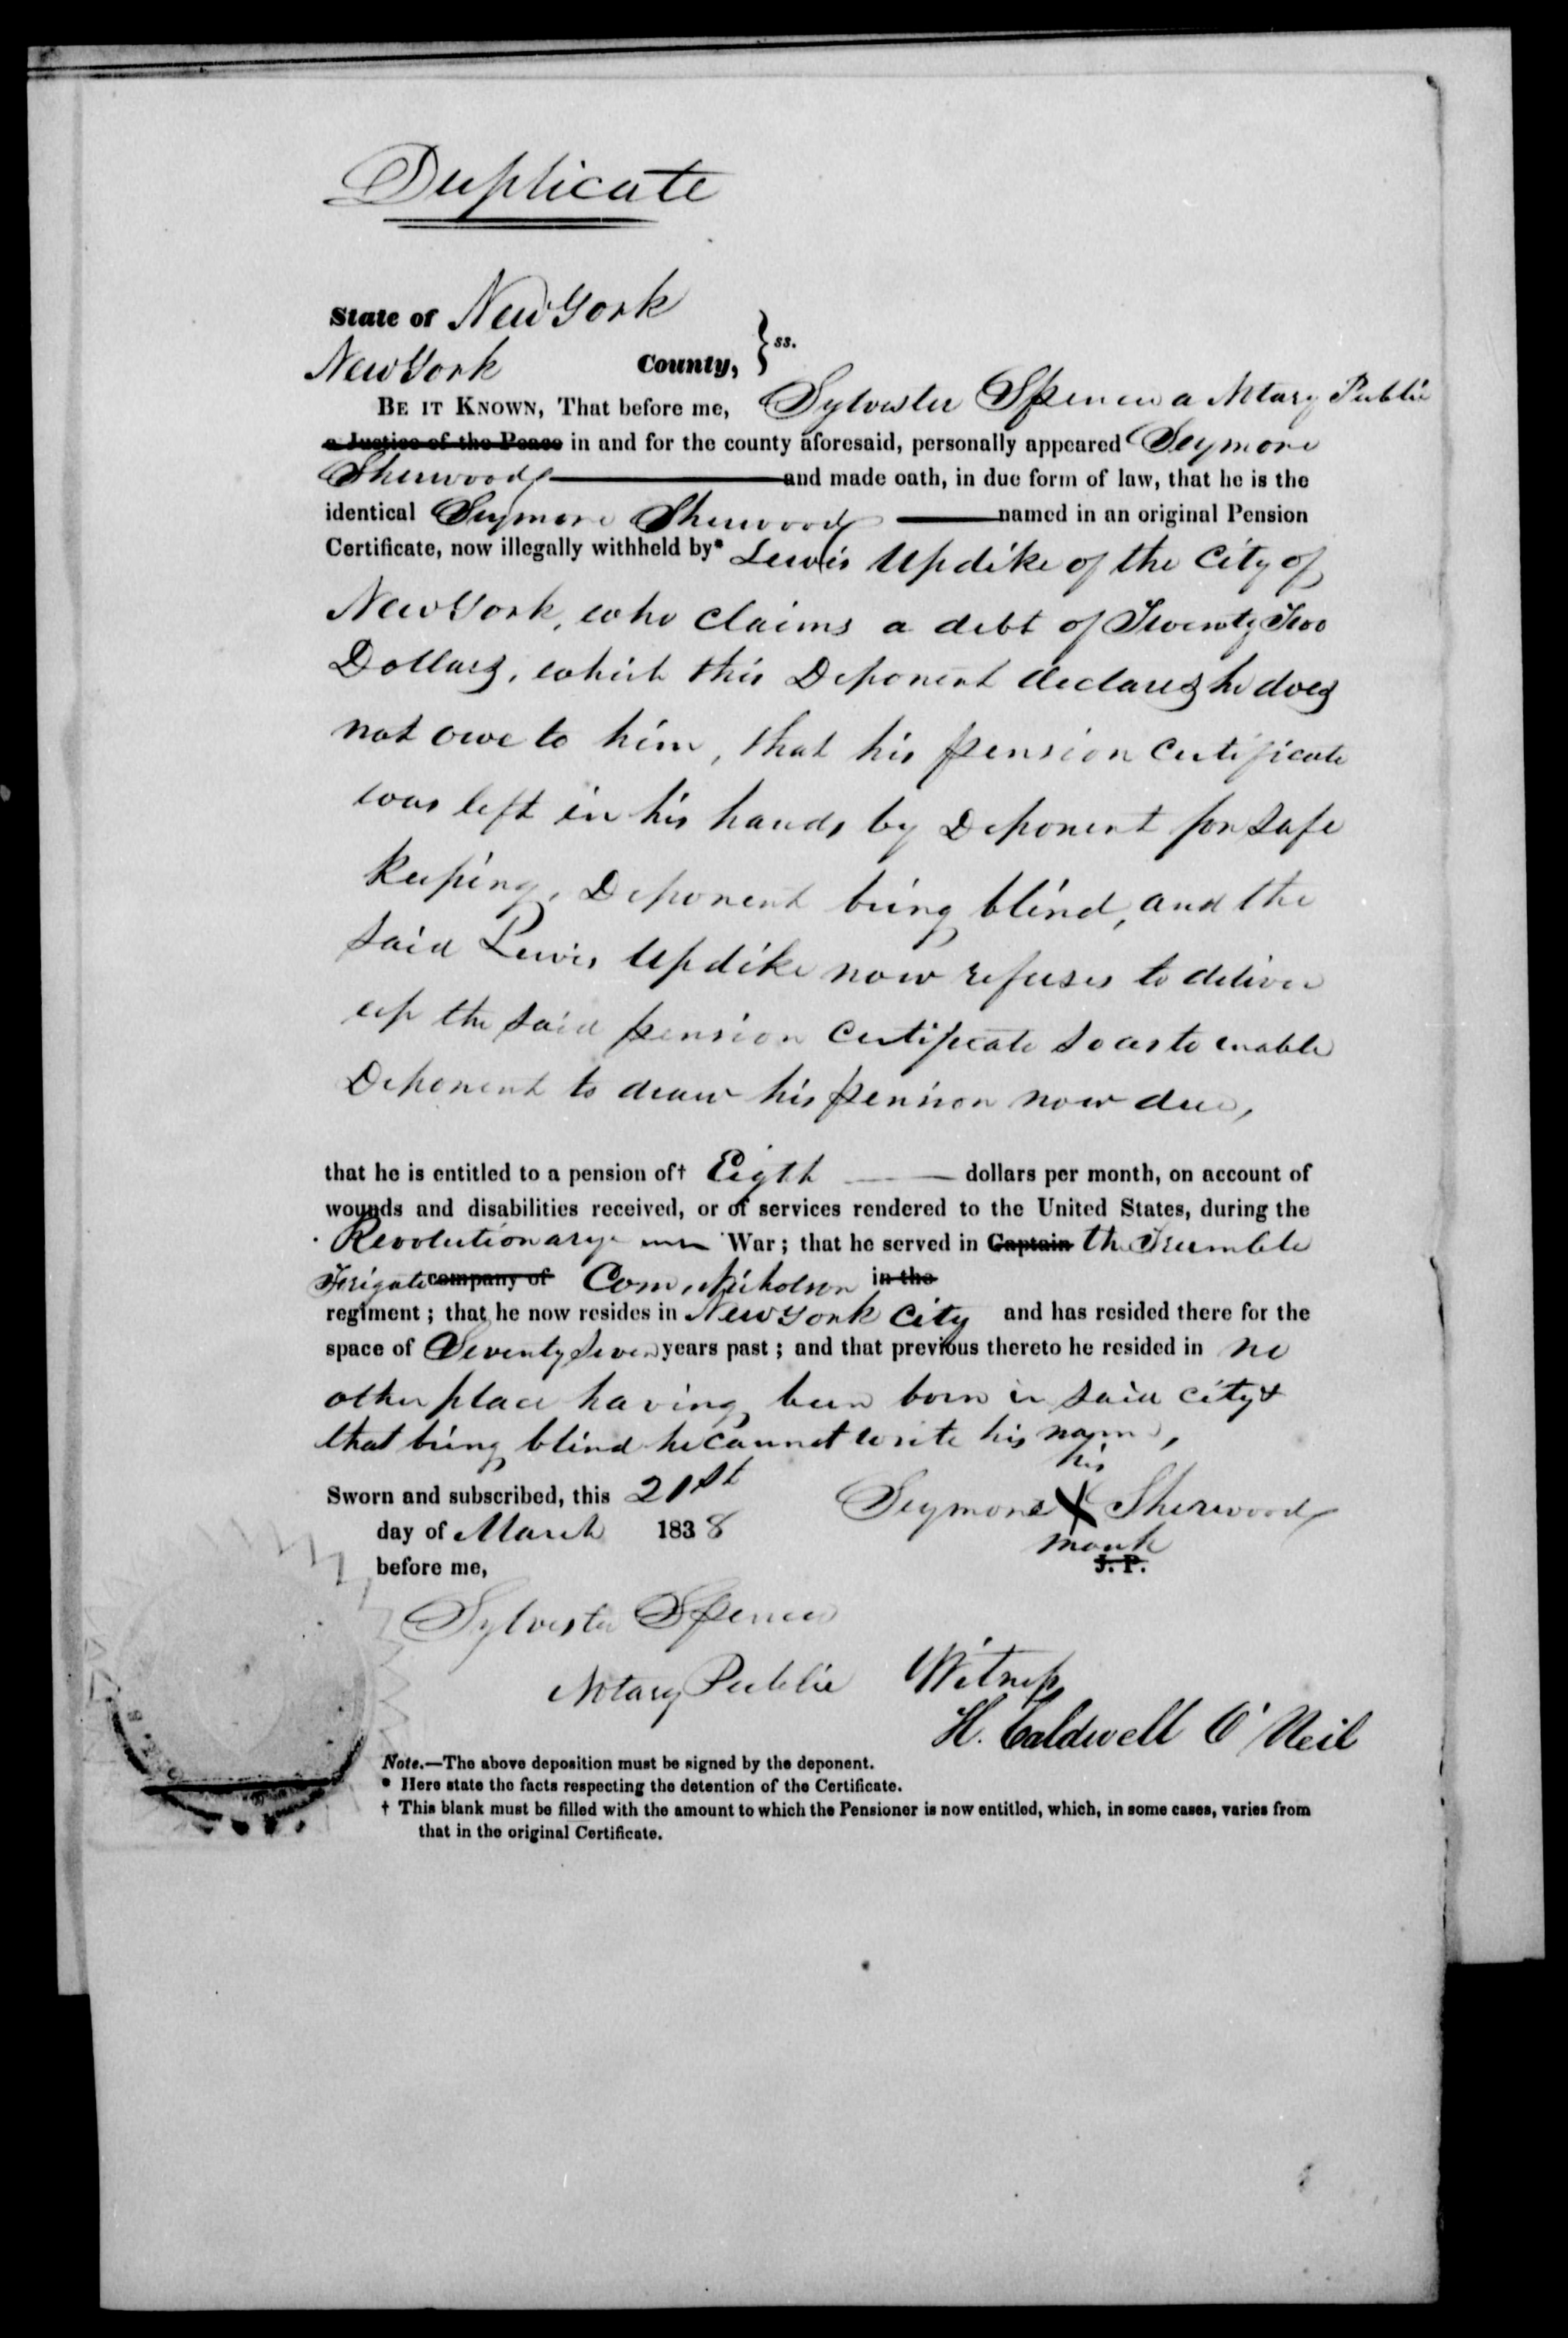Duplicate 
State of New York 
New York County } ss 
BE IT KNOWN, That before me, Sylvester Spencer, a Notary Public a Justice of the Peace in and for the county aforesaid personally appeared Seymore Sherwood and made oath in due form of law, that he is the identical person named in an original Pension Certificate, now illegally withheld by Lewis Updike of the City of New York, who claims a debt of Twenty two Dollars, which this deponent declares he does not owe to him, that his pension certificate was left in his hands by deponent for safe keeping, Deponent being blind and the said Lewis Updike now refuses to deliver up the said pension certificate so as to enable Deponent to draw his pension now due. 
that he is entitled to a pension of Eight dollars per month, on account of wounds and disabilities received or of services rendered to the United States, during the Revolutionary War; that he served in the Trumbull Frigate Com. Nicholson; that he now resides in New York City and has resided there for the space of Seventy seven  years past; and that previous thereto he resided in in no other place, and that being blind he cannot write his name. 
Seymore Sherwood x his mark 
Sworn and subscribed, this 19th day of September 1838 before me, 
Sylvester Spencer Notary Public 
Witness H. Caldwell O’Neil 
Note. -- The above deposition must be signed by the deponent. Here state the facts respecting the date of the Certificate. This blank must be filled with the amount which the Pensioner is now entitled, which in some cases, varies from the original Certificate.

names: Lewis Updike; Sylvester Spencer; Sylvester Spencer; Seymore Sherwood; Seymore Sherwood; Lewis Updike; Seymore Sherwood; H Caldwell O'Neil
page: 25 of 30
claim: survivor's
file: S. 42289, for Seymore Sherwood, Connecticut